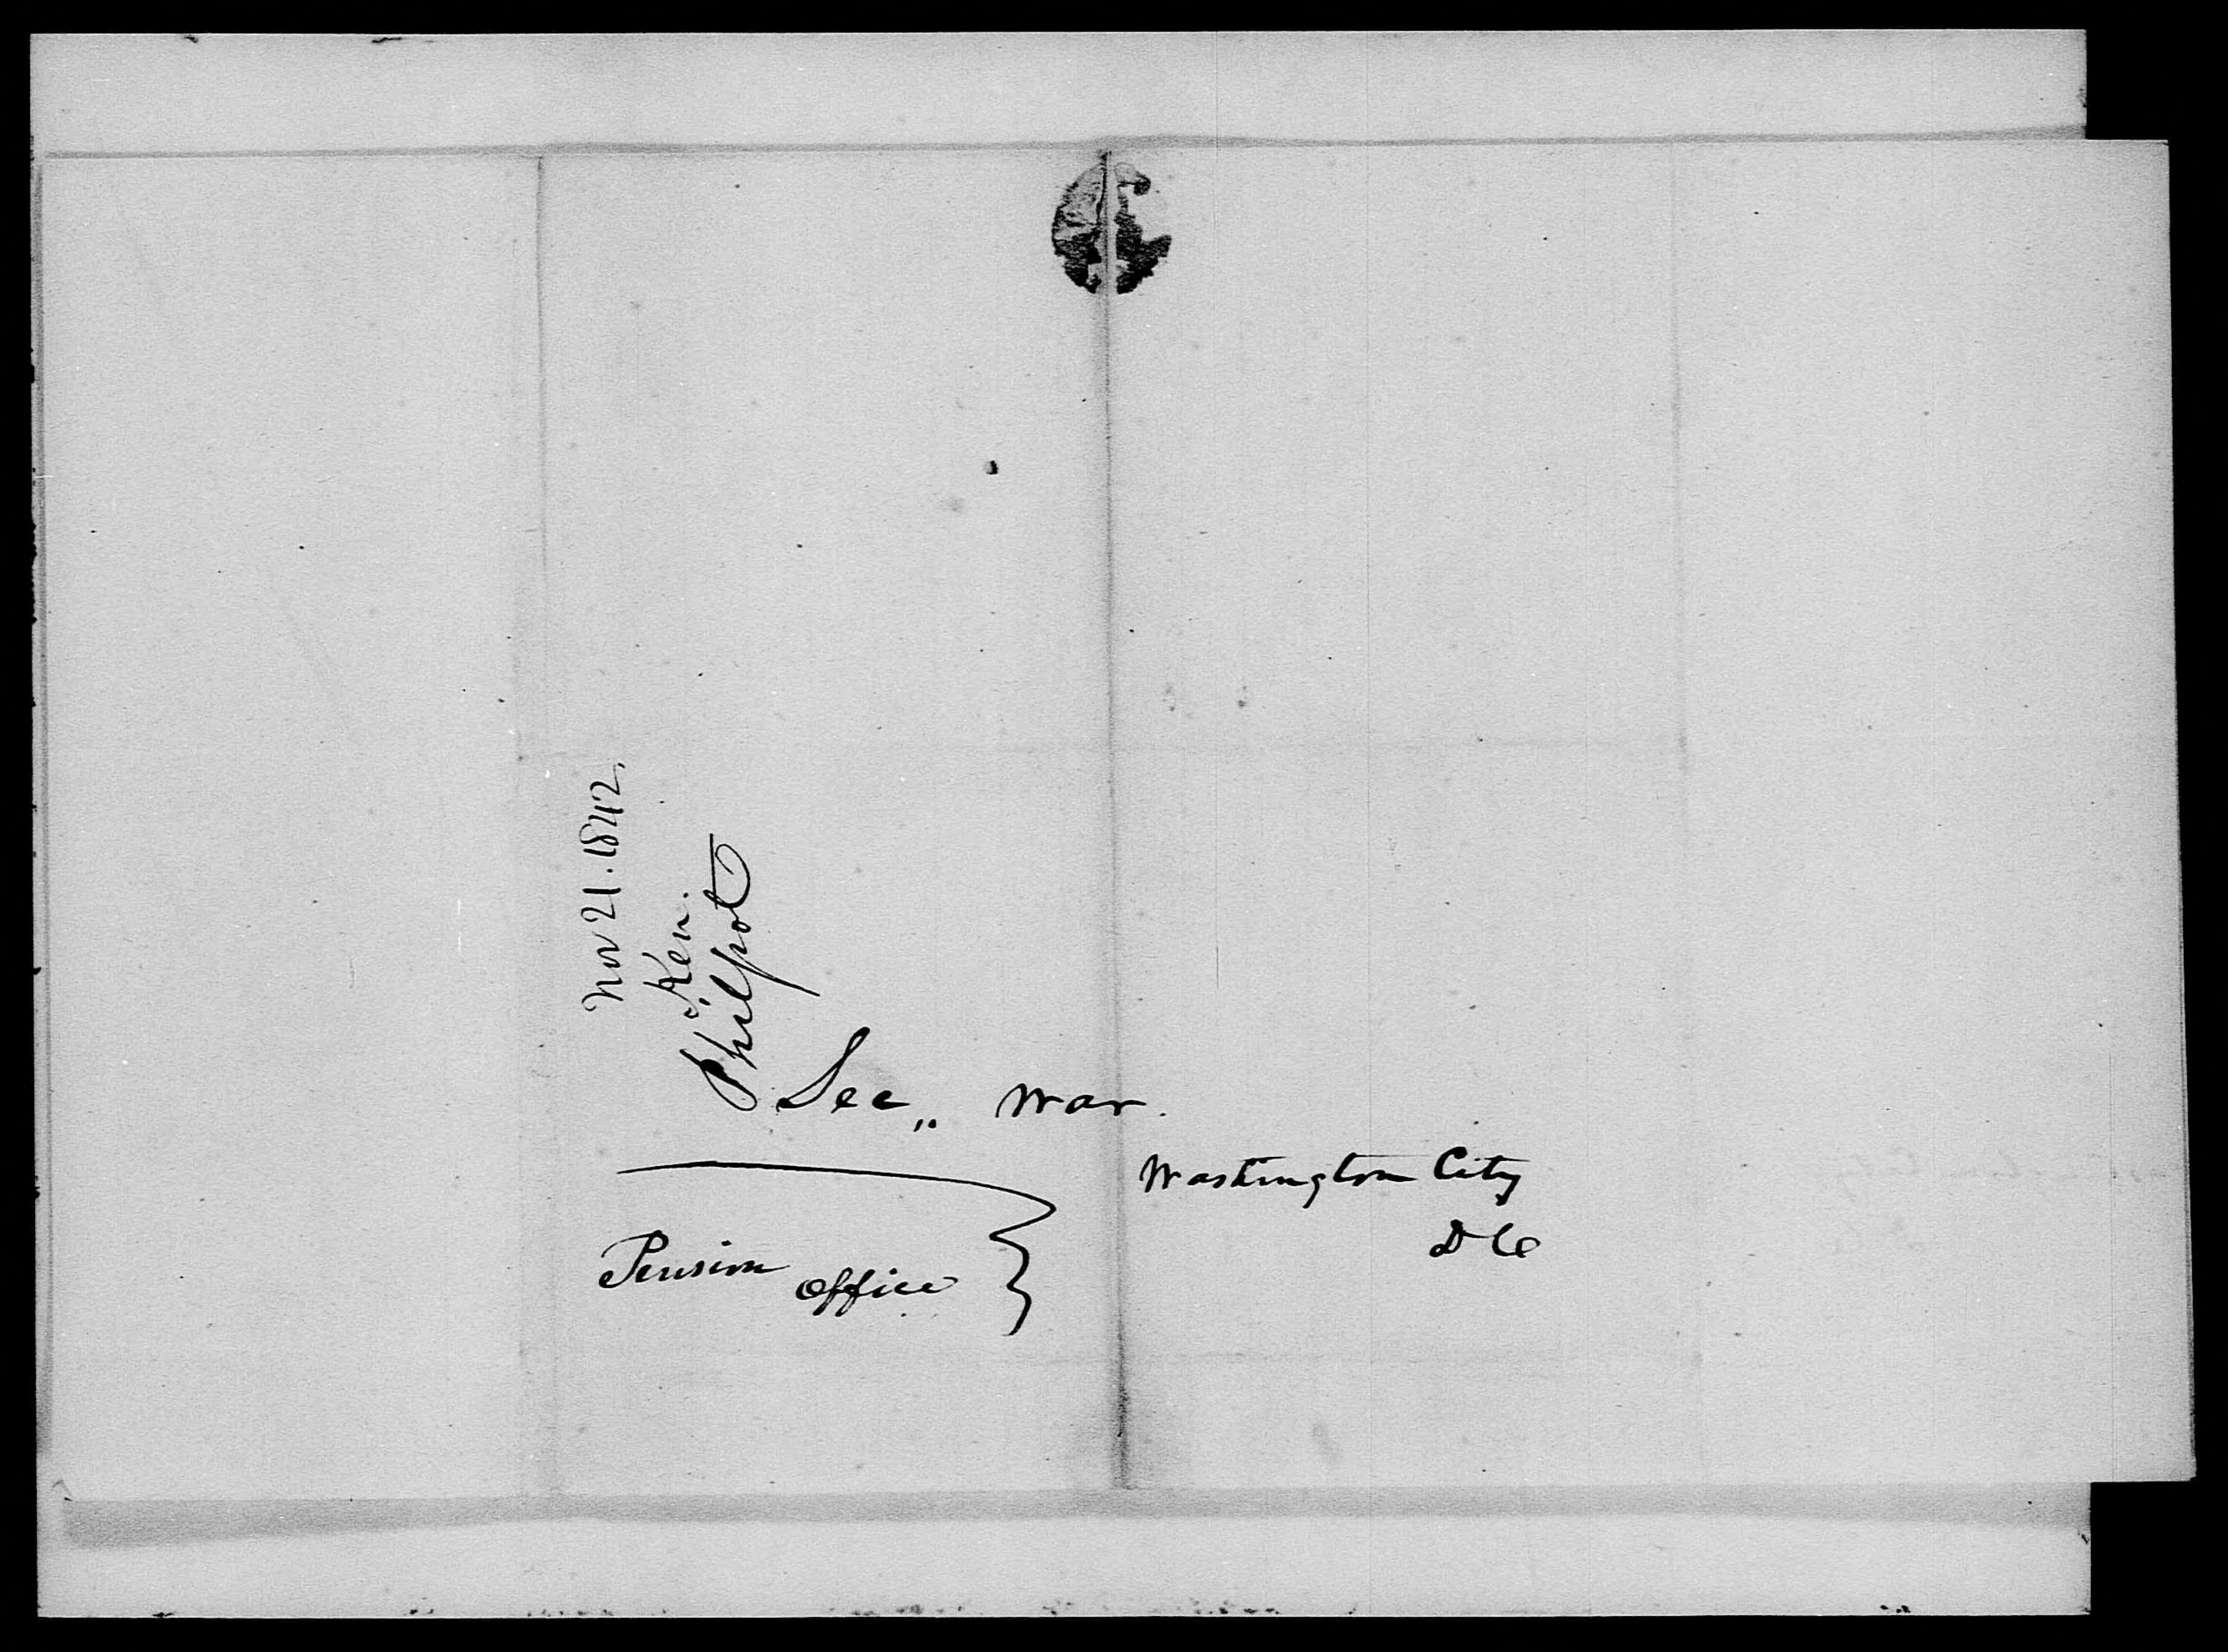Nov 21 1842
Ken
Philpot
Sec War Washington City DC
Pension Office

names: [BLANK] Philpot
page: 38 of 43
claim: rejected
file: R. 8217, for Thomas Philpot, South Carolina